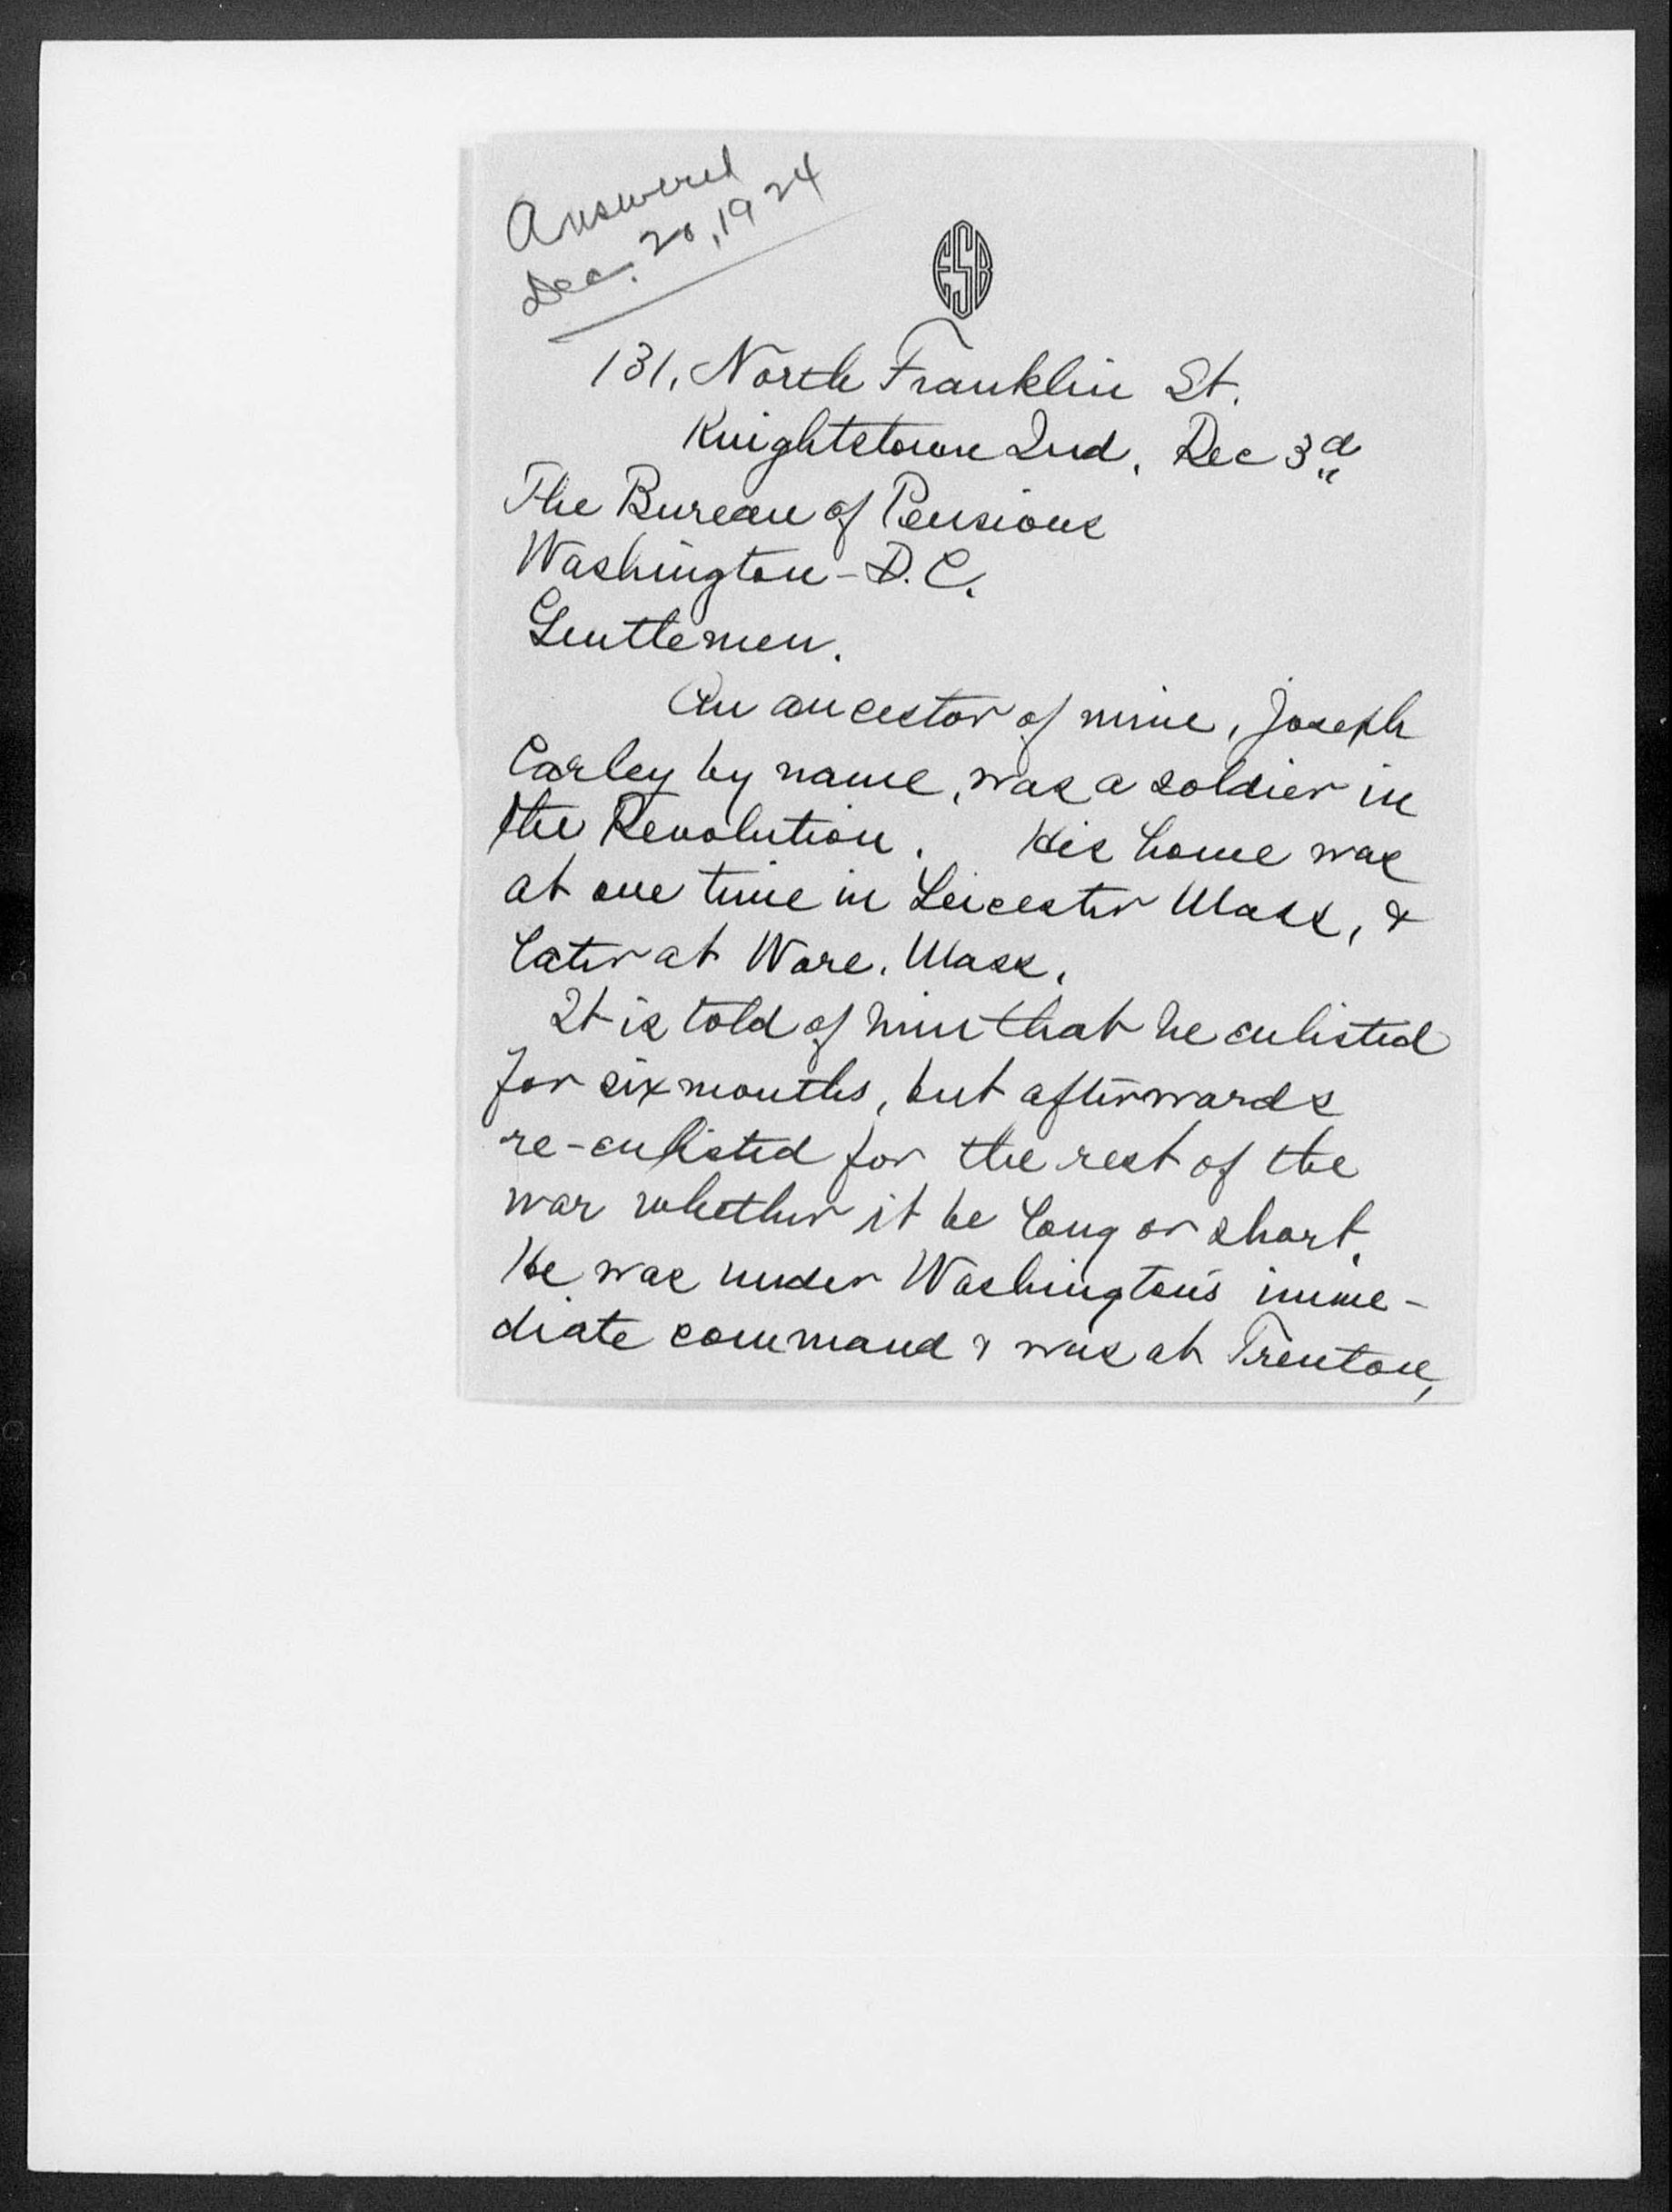Answered Dec. 20, 1924

131 North Franklin St.
Knightstown, Indiana 
Dec. 3rd

The Bureau of Pensions
Washington, D.C.

Gentlemen,

An ancestor of mine, Joseph Carley by name, was a soldier in the Revolution.  His home was at one time in Leicester, Mass. and later at Ware, Mass.
It is told of him that he enlisted for six months, but afterwards re-enlisted for the rest of the war whether it be long or short, He was under Washington's immediate command and was at Trenton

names: Joseph Carley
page: 13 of 16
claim: survivor's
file: S. 44371, Joseph Carley, New York.